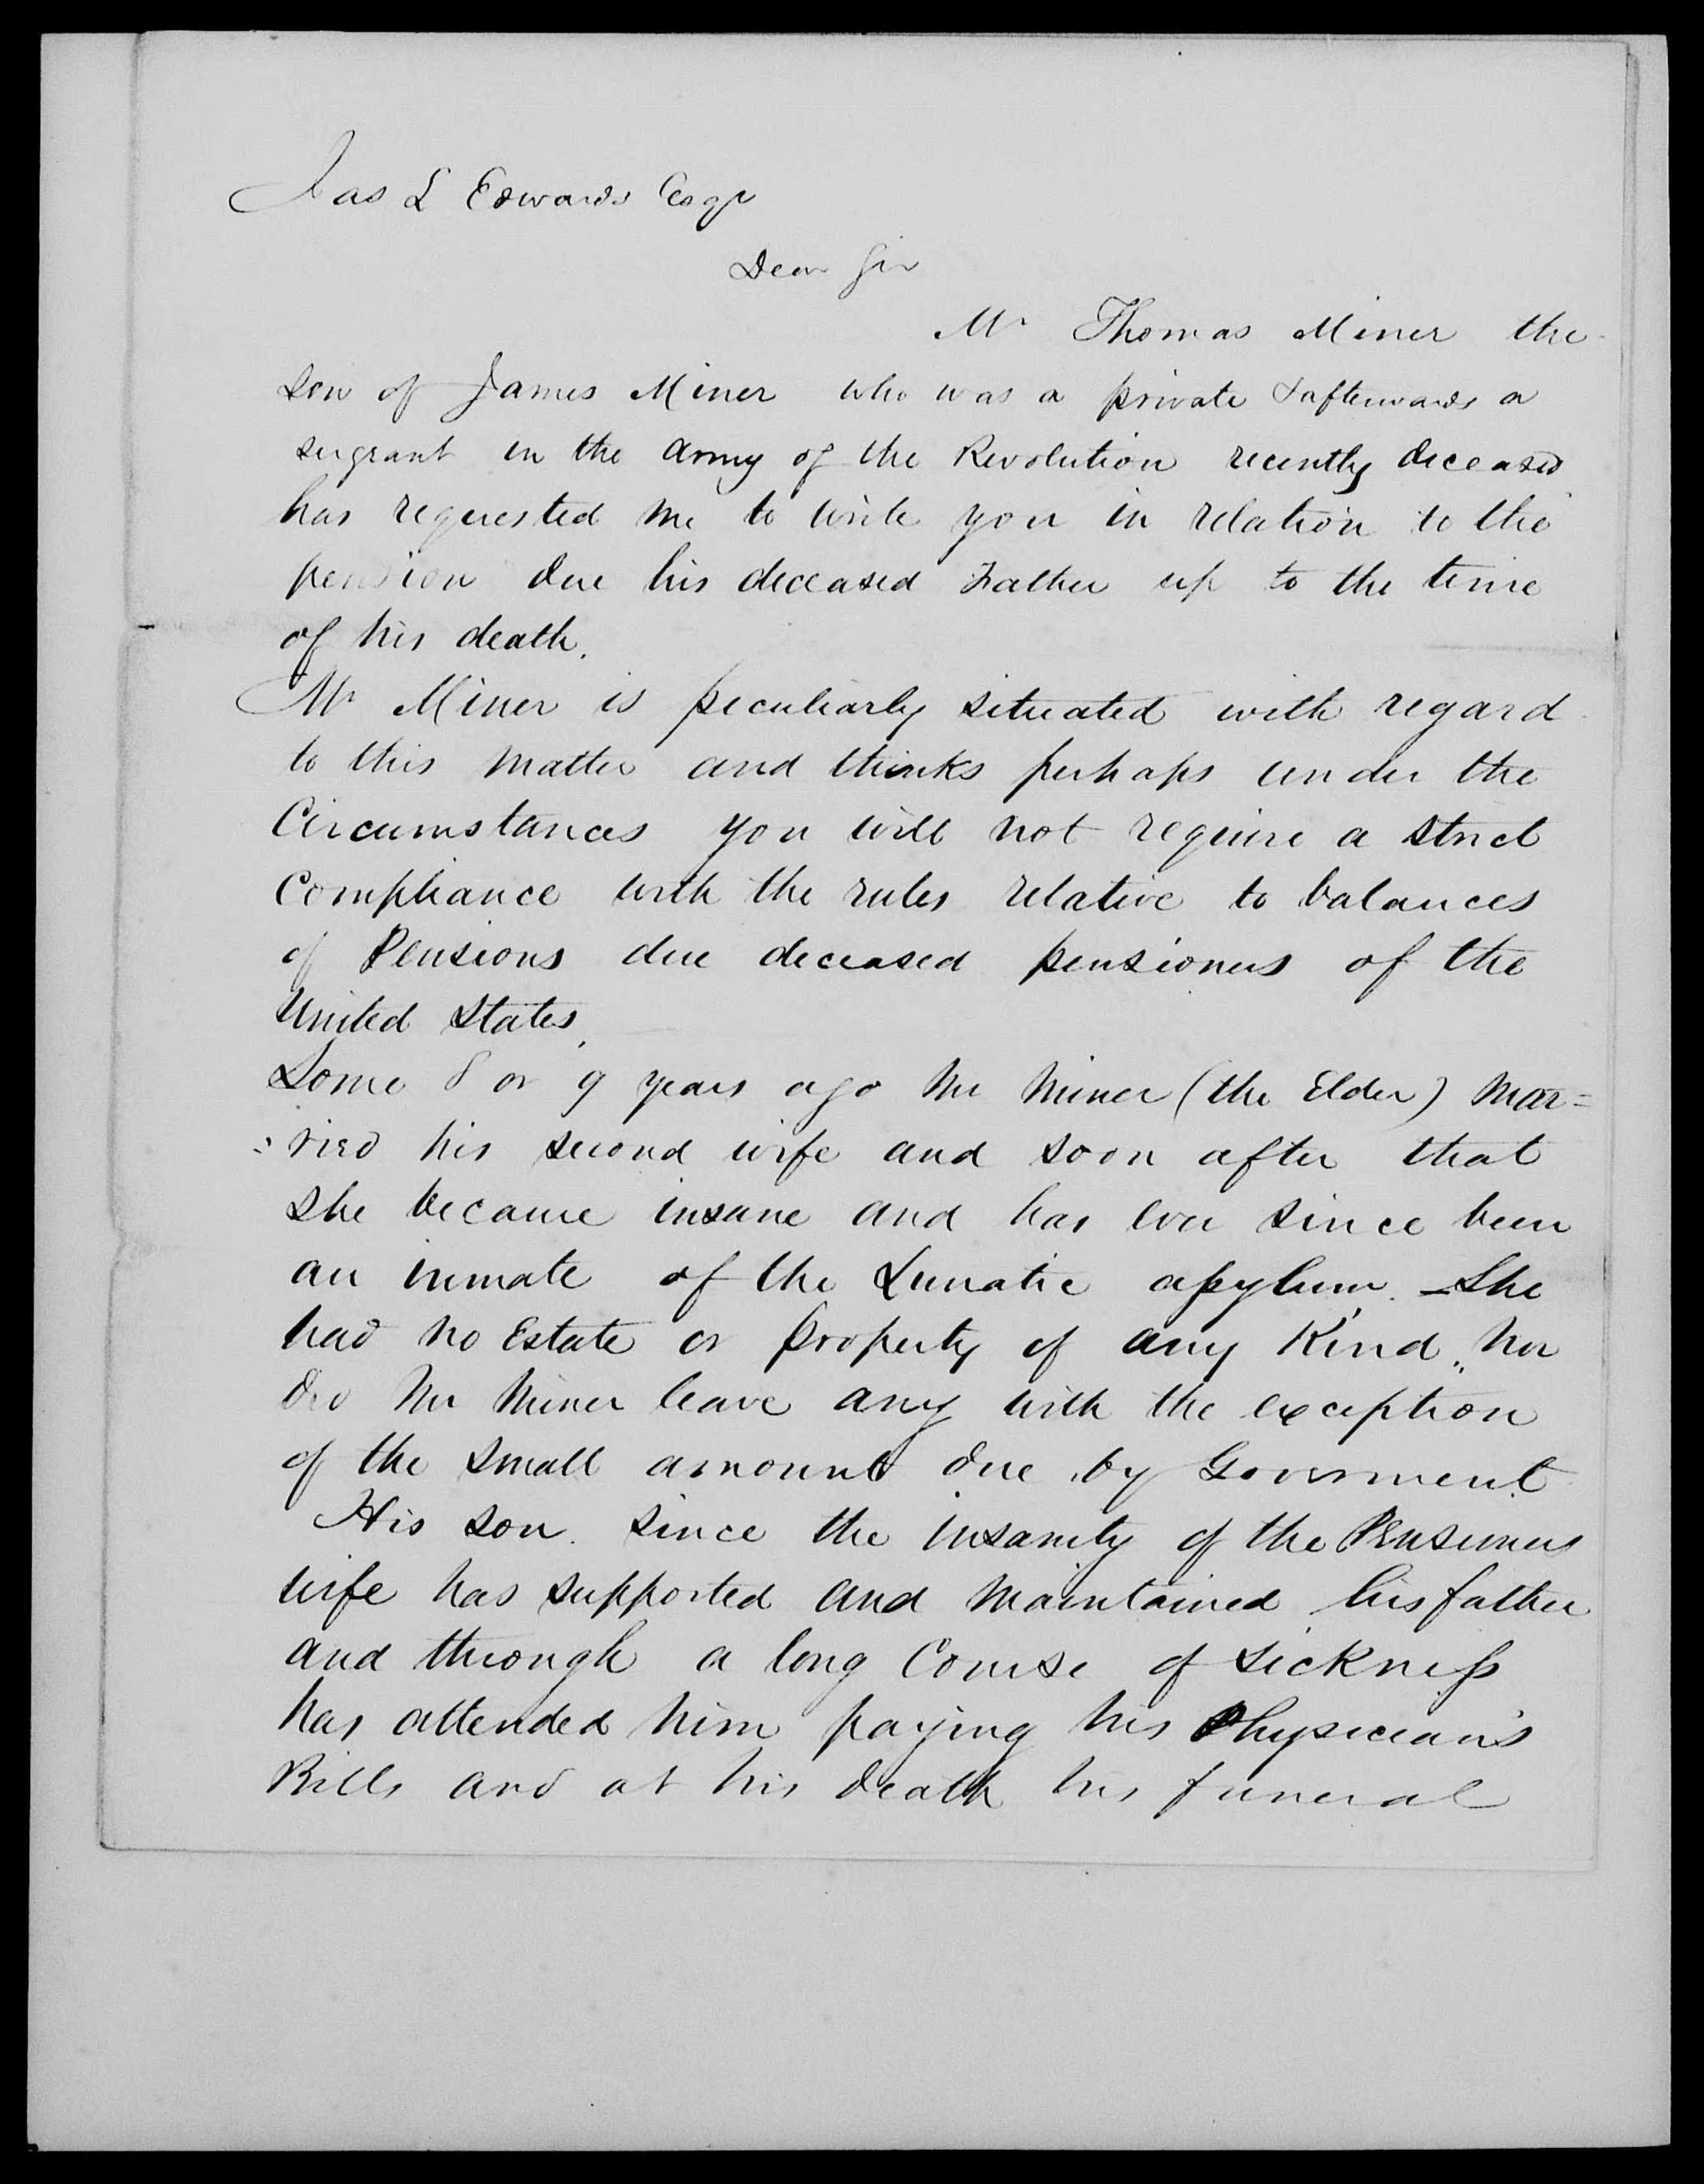Jas L Edwards Esqr 

Dear Sir 

Mr Thomas Miner the son of James Miner who was a private & afterwards a Sergeant in the Army of the Revolution recently deceased has requested me to write you in relation to the pension due his deceased Father up to the time of his death. 

Mr Miner is peculiarly situated with regard to this matter and thinks perhaps under the circumstances you will not require a strict compliance with the rules relative to balances of Pensions due deceased pensioners of the United States. 

Some 8 or 9 years ago Mr Miner (the Elder) married his second wife and soon after that she became insane and has ever since been an inmate of the Lunatic Asylum. She had no estate or property of any kind, nor did Mr Miner leave any with the exception of the small amount due by Government. His son since the insanity of the Pensioners wife has supported and maintained his father and through a long course of sickness has attended him paying his physician's Bills and at his death his funeral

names: James Miner; Thomas Miner; Jas L Edwards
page: 24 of 39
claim: survivor's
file: S. 23802, for James Miner, Connecticut